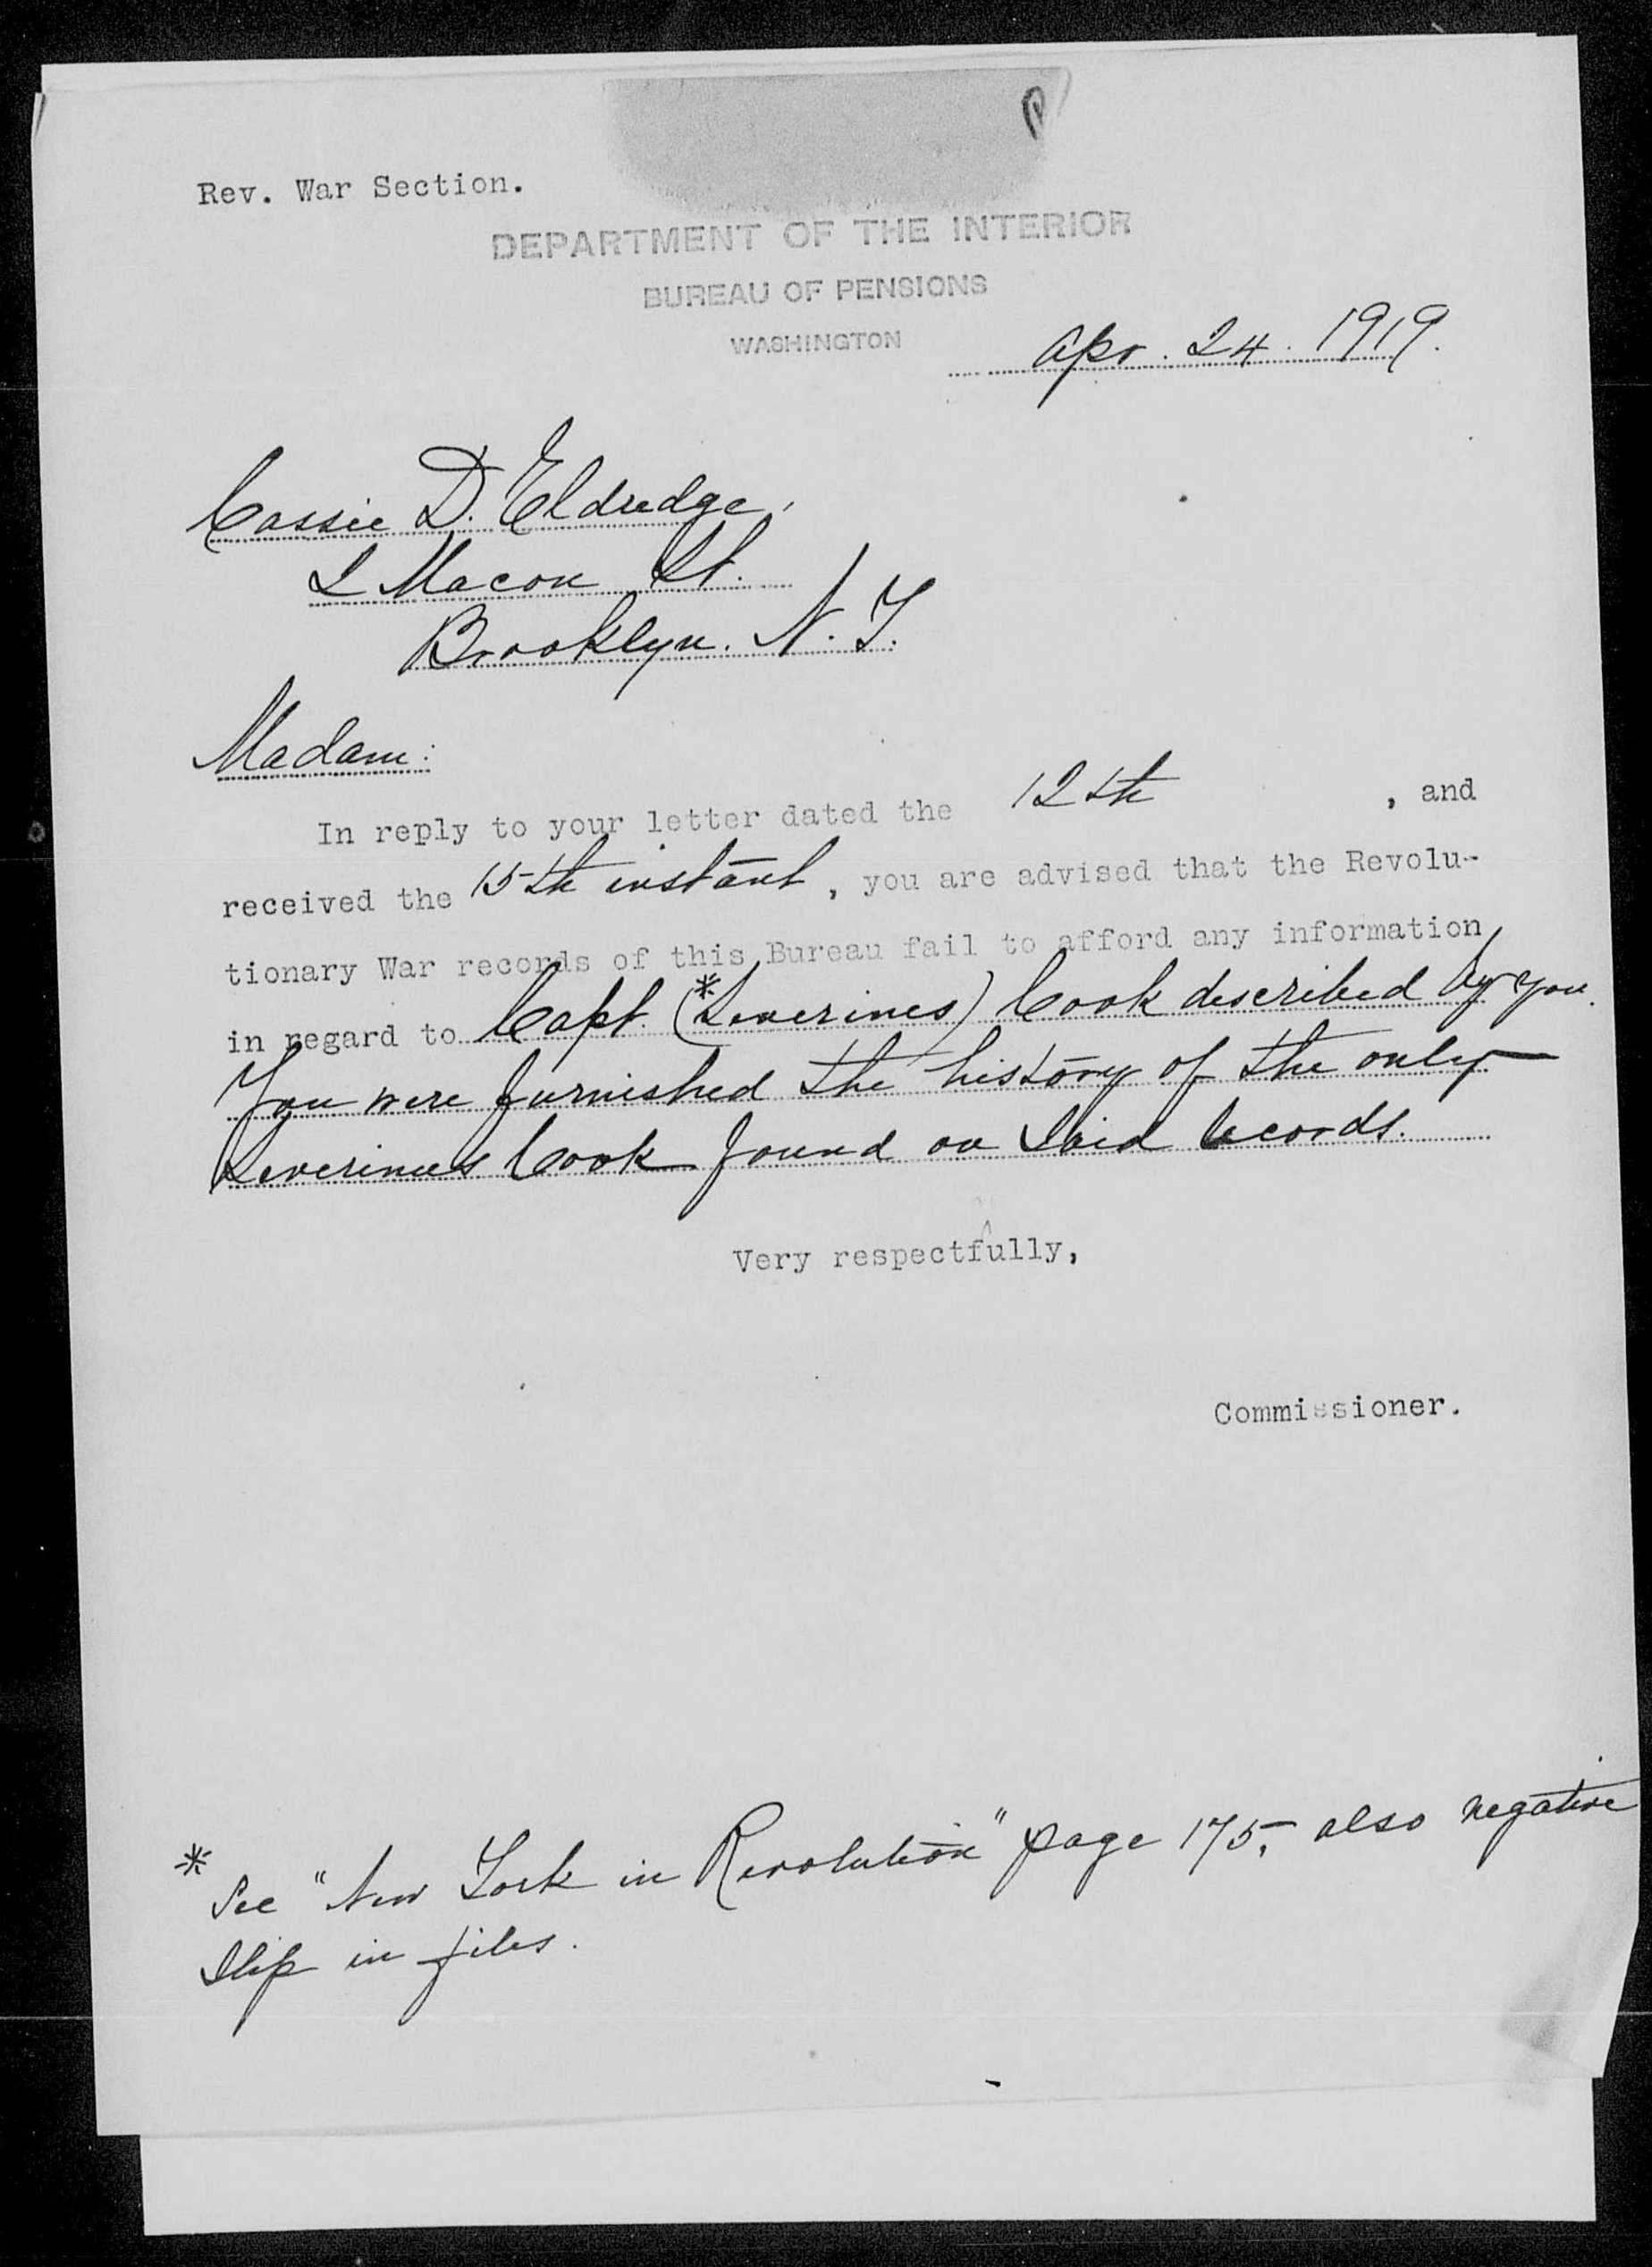Rev. War Section.

DEPARTMENT OF THE INTERIOR
BUREAU OF PENSIONS
WASHINGTON

Apr 24 1919

Cassie D. Eldredge
2 Macon St.
Brooklyn N. Y.

Madam:
In reply to your letter dated the 12th, and
received the 15th instant, you are advised that the Revolutionary War records of this Bureau fail to afford any information in regard to Capt (*Servenius) Cook described by you. You were furnished the history of the only Severinus Cook found on said Records.

Very respectfully,
Commissioner.

* See "New York in Revolution" page 175, also negative Slip in files.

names: Severinus Cook, Severines Cook, Cassie D Eldredge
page: 18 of 51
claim: survivor's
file: S. 12563, Severinus Cook, New York